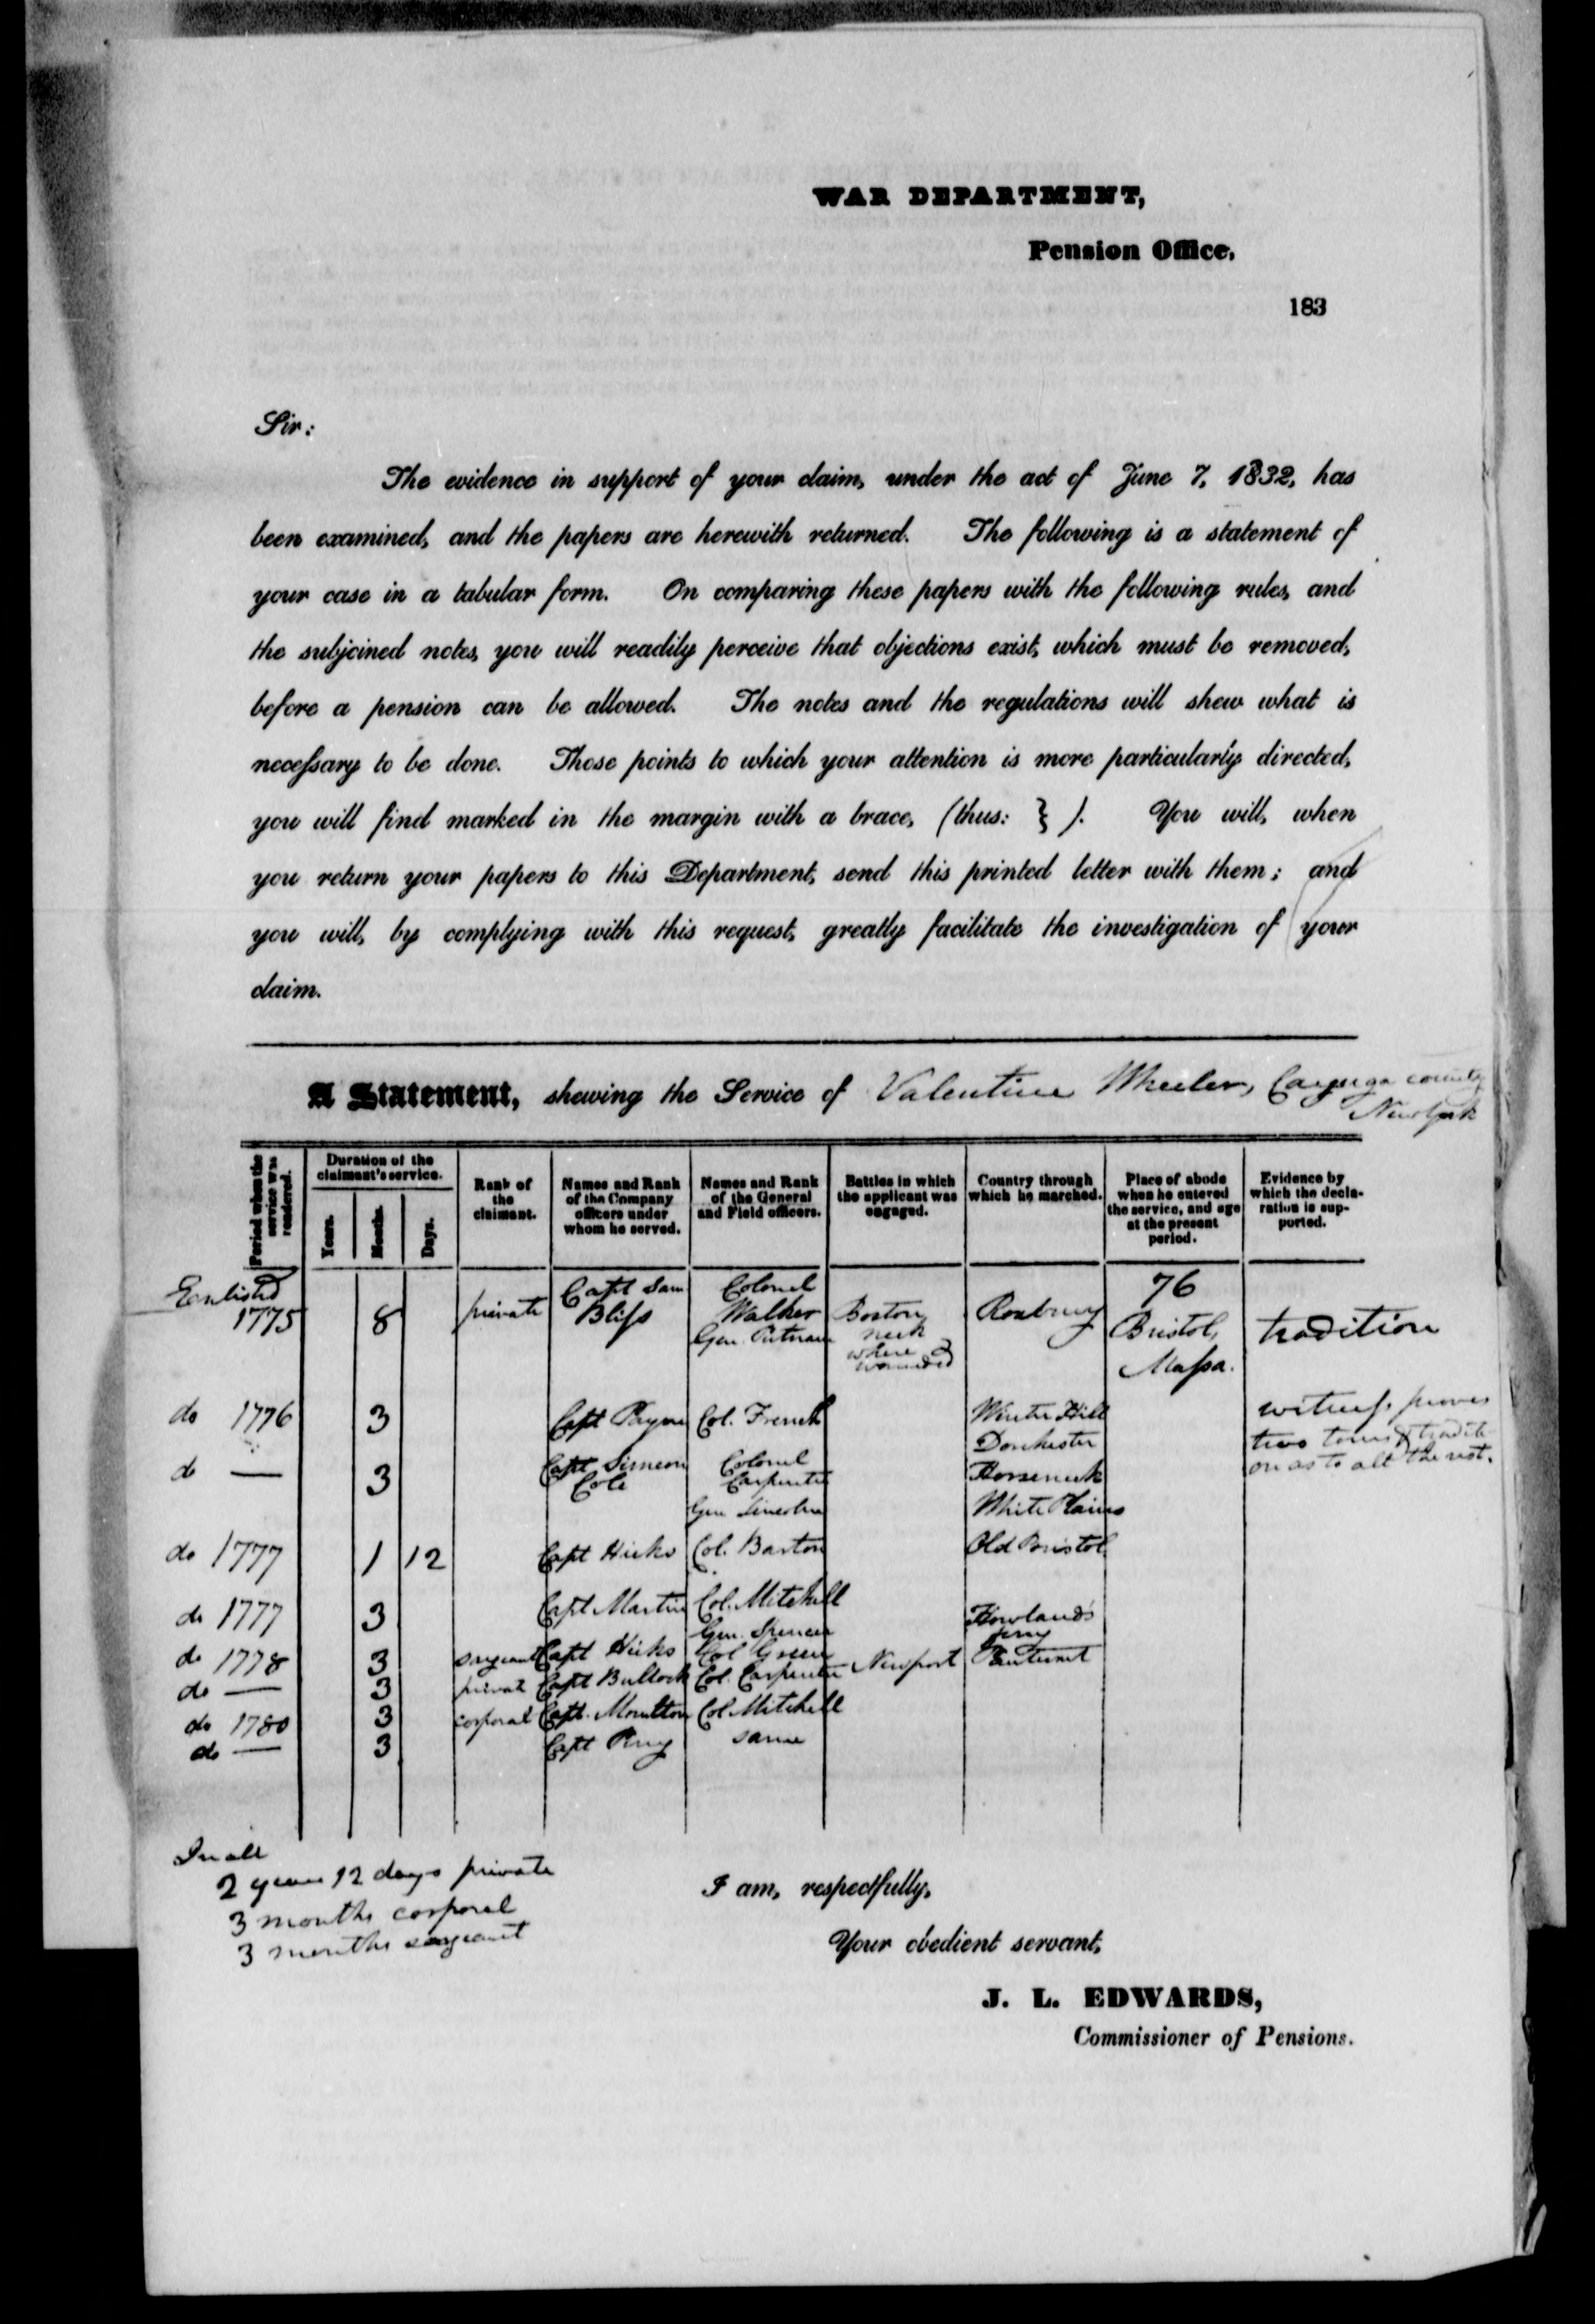War Department
Pension Office     183__

Sir:
the evidence in support of your claim, under the act of June 7, 1832, has been examined, and the papers are herewith returned. The following is a statement of your case in a tabular form. On comparing these papers with the following rules and the subjoined notes, you will readily perceive that objections exist which must be removed before a pension can be allowed. the notes and the regulations will show what is necessary to be done. Those points to which your attention is more particularly directed, you will find marked in the margin with a brace (thus: }). You will, when you return your papers to this Department, send this printed letter with them; and you will, by complying with this request greatly facilitate the investigation of your claim.

A Statement, showing the Service of Valentine Wheeler, Cayuga County, New York

[taken from chart]
Period when service rendered: enlisted 1775
Duration of Services: 8 mos.
Rank: Private
Name & rank of Company officers: Capt. Sam. Bliss
Name & rank of General & Field officers: Col. Walker, Gen. Putnam
Battles: Boston Neck where wounded
County through which he marched: Roxbury
Place of abobe with entered & age at present: Bristol, Mass., 76
Evidence by which declaration is supported: Tradition

Period: 1776
Duration: 3 mos.
Rank: private
Company officers: Capt. Payne
General & Field officers: Col. French
Battles:
Country marched: Winter Hill, Dorchester
Place of abode & present age:
Evidence by which supported: Witness proves two terms & tradition as to all the rest

Period: 1776
Duration: 3 mos.
Rank: private
Company officers: Capt. Simeon Cole
General & Field officers: Col. Carpenter, Gen. Lincoln
Battles:
Country marched: Horseneck, White Plains
Place of abode & present age:
Evidence:

Period: 1777
Duration: 1 1/2 mos.
Rank: private
Company officers: Captain Hicks
General & Field Officers: Col. Barton
Battles:
Country marched: Old Bristol

Period: 1777
Duration: 3 mos.
Rank: private
Company officers: Capt. Martin
General & Field officers: Col. Mitchell, Gen. Spencer
Country marched: Howland's Ferry

Period: 1778
Duration: 3 mos.
Rank: Sargeant
Company officers: Capt. Bullock
General & Field officers: Col. Carpenter
Battles: Newport
Country Marched: Pawtuxet

Period: 1780
Duration: 3 mos.
Rank: Corporal
Company officers: Capt. Moulton
General & Field officers: Col. Mitchell

Period: 1780
Duration: 3 mos.
Rank: blank
Company officers: Capt. Perry
General & Field officers: Col. Mitchell

In all.
2 years 12 days private
3 months corporal
3 months sargeant

I am respectfully,
Your obedient servant,
J. L. Edwards,
Commissioner of Pensions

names: Spencer, Valentine Wheeler, Payne, Walker, Perry, J L Edwards, Moulton, Green, Carpenter, Bullock, Putnam, Mitchell, Martin, French, Simeon Cole, Lincoln, Hicks, Barton, Sam Bliss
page: 26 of 98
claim: widow's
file: W. 1682, Valentine Wheeler, Mass.